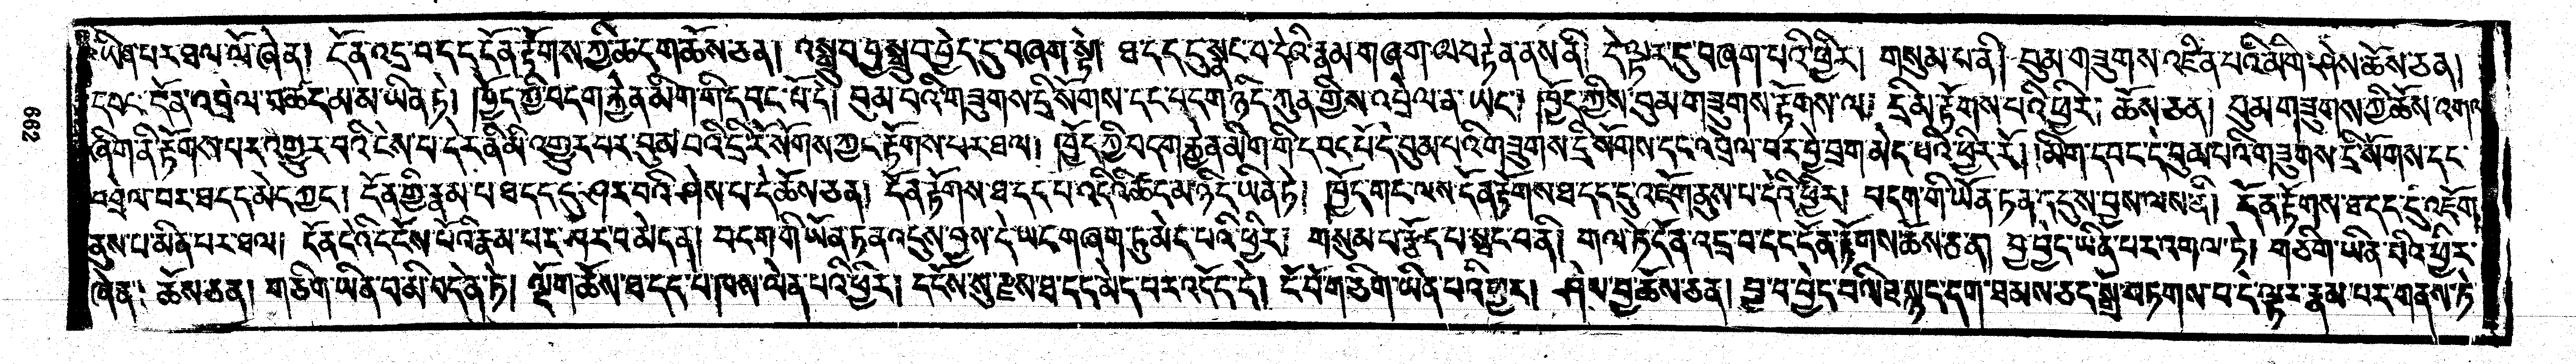ཡིན་པར་ཐལ་ལོ་ཞེན། དོན་འདྲ་བ་དང་དོན་རྟོགས་ཀྱི་ཆ་དག་ཆོས་ཅན། འྶྒྲུབ་བྱ་སྒྲུབ་བྱེད་དུ་བཞག་སྟེ། ཐ་དད་དུ་སྣང་བ་དེའི་རྣམ་གཞག་ལ་བརྟེན་ནས་ནི། དེ་ལྟར་དུ་བཞག་པའི་ཕྱིར། གསུམ་པ་ནི། བུམ་གཟུགས་འཛིན་པའི་མིག་ཤེས་ཆོས་ཅན།
དབང་དོན་འབྲེལ་བ་ཚད་མ་མ་ཡིན་ཏེ། ཁྱོད་ཀྱི་བདག་རྐྱེན་མིག་གི་དབང་པོ་དེ། བུམ་པའི་གཟུགས་དྲི་སོགས་དང་བདག་ཉིད་ཀུན་གྱིས་འབྲེལ་ན་ཡང་། ཁྱོད་ཀྱིས་བུམ་གཟུགས་རྟོགས་ལ། དྲི་མ་རྟོགས་པའི་ཕྱིར། ཆོས་ཅན། བུམ་གཟུགས་ཀྱི་ཆོས་འགའ་
ཞིག་ནི་རྟོགས་པར་འགྱུར་བའི་ངེས་པ་དེར་ནི་མི་འགྱུར་བར་བུམ་པའི་དྲི་རོ་སོགས་ཀྱང་རྟོགས་པར་ཐལ། ཁྱོད་ཀྱི་བདག་རྐྱེན་མིག་གི་དབང་པོ་དེ་བུམ་པའི་གཟུགས་དྲི་སོགས་དང་འབྲེལ་བར་བྱེ་བྲག་མེད་པའི་ཕྱིར་རོ། །མིག་དབང་དེ་བུམ་པའི་གཟུགས་དྲི་སོགས་དང་
འབྲེལ་བར་ཐ་དད་མེད་ཀྱང་། དོན་གྱི་རྣམ་པ་ཐ་དད་དུ་ཤར་བའི་ཤེས་པ་དེ་ཆོས་ཅན། དོན་རྟོགས་ཐ་དད་པ་འདིའི་ཚང་མ་ཉིད་ཡིན་ཏེ། ཁྱོད་གང་ལས་དོན་རྟོགས་ཐ་དད་དུ་འཇོག་ནུས་པ་དེའི་ཕྱིར། བདག་གི་ཡོན་ཏན་འདུས་བྱས་ལས་ནི། དོན་རྟོགས་ཐ་དང་དུ་འཇོག་
ནུས་པ་མིན་པར་ཐལ། དོན་དེའི་དངོས་པོའི་རྣམ་པར་ཤར་བ་མེད་ན། བདག་གི་ཡོན་ཏན་འདུས་བྱས་དེ་ཡང་གཞག་ཏུ་མེད་པའི་ཕྱིར། གསུམ་པ་རྩོད་པ་སྤང་བ་ནི། གལ་ཏེ་དོན་འདྲ་བ་དང་དོན་རྟོགས་ཆོས་ཅན། བྱ་བྱེད་ཡིན་པར་འགལ་ཏེ། གཅིག་ཡིན་པའི་ཕྱིར་
ཞེན། ཆོས་ཅན། གཅིག་ཡིན་བ་མི་བདེན་ཏེ། ལྡོག་ཆོས་ཐ་དད་པ་ཁས་ལེན་པའི་ཕྱིར། དངོས་སུ་རྫས་ཐ་དད་མེད་བར་འདོད་དེ། ངོ་བོ་གཅིག་ཡིན་པའི་ཕྱར། ཤེས་བྱ་ཆོས་ཅན། བྱ་བ་བྱེད་བའི་ཐ་སྙད་དག་ཐམས་ཅད་སྒྲོ་བཏགས་པ་དེ་ལྟར་རྣམ་པར་གནས་ཏེ་